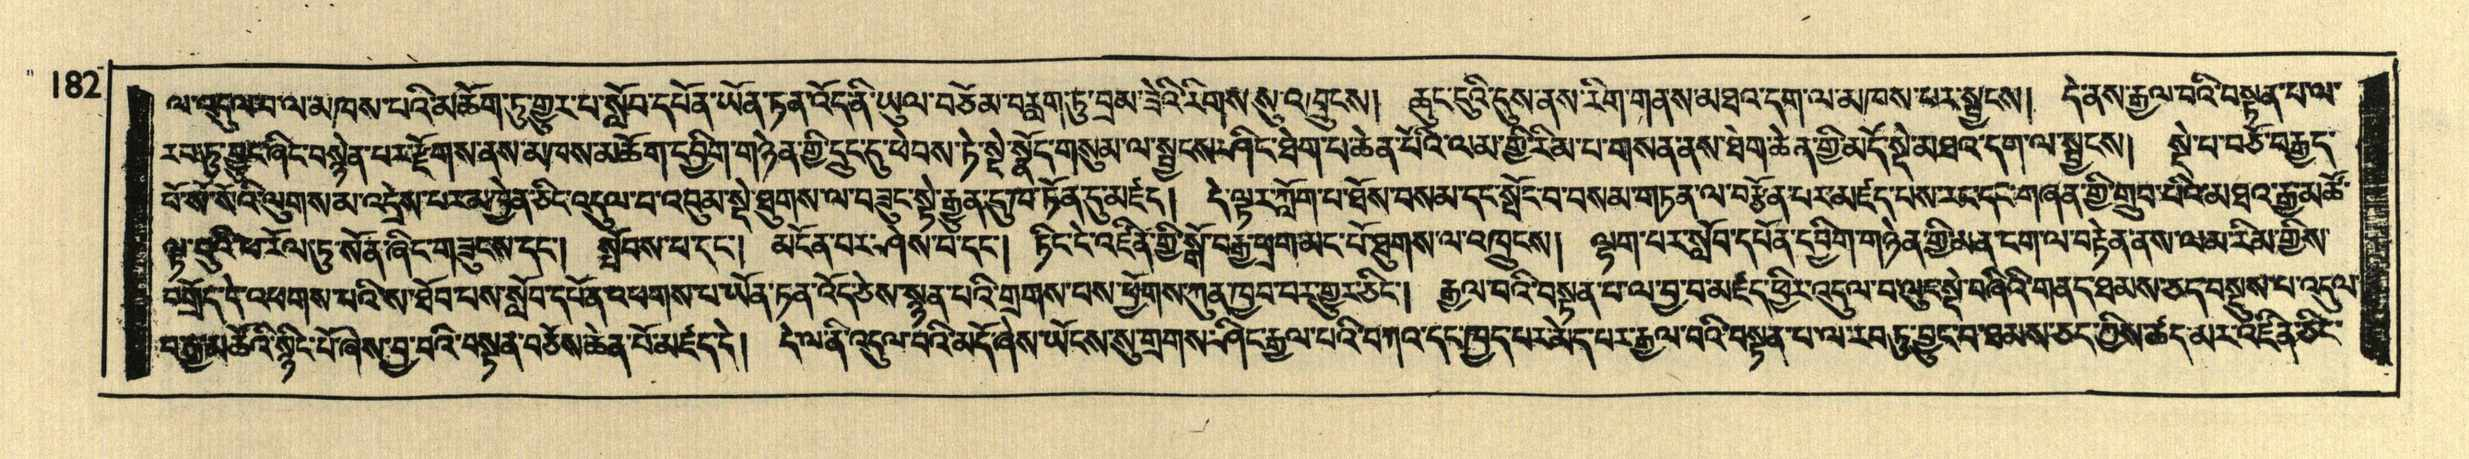ལ་འདུལ་བ་ལ་མཁས་པའི་མཆོག་ཏུ་གྱུར་པ་སློབ་དཔོན་ཡོན་ཏན་འོད་ནི་ཡུལ་བཅོམ་བརླག་ཏུ་བྲམ་ཟེའི་རིགས་སུ་འཁྲུངས། ཆུང་དུའི་དུས་ནས་རིག་གནས་མཐའ་དག་ལ་མཁས་པར་སྦྱངས། དེ་ནས་རྒྱལ་བའི་བསྟན་པ་ལ་
རབ་ཏུ་བྱུང་ཞིང་བསྙེན་པར་རྫོགས་ནས་མཁས་མཆོག་དབྱིག་གཉེན་གྱི་དྲུང་དུ་ཕེབས་ཏེ་སྡེ་སྣོད་གསུམ་ལ་སྦྱངས་ཤིང་ཐེག་པ་ཆེན་པོའི་ལམ་གྱི་རིམ་པ་གསན་ནས་ཐིག་ཆེན་གྱི་མདོ་སྡེ་མཐའ་དག་ལ་སྦྱངས། སྡེ་པ་བཅོ་བརྒྱད་
བོ་སོ་སོའི་ལུགས་མ་འདྲེས་པར་མཁྱེན་ཅིང་འདུལ་བ་འབུམ་སྡེ་ཐུགས་ལ་བཟུང་སྟེ་རྒྱུན་དུ་ཁ་ཏོན་དུ་མཛད། དེ་ལྟར་ཀློག་པ་ཐོས་བསམ་དང་སྤོང་བ་བསམ་གཏན་ལ་བརྩོན་པར་མཛད་པས་རང་དང་གཞན་གྱི་གྲུབ་པའི་མཐའ་རྒྱ་མཚོ་
ལྟ་བུའི་ཕ་རོལ་ཏུ་སོན་ཞིང་གཟུངས་དང་། སྤོབས་པ་དང་། མངོན་བར་ཤེས་བ་དང་། ཏིང་ངེ་འཛིན་གྱི་སྒོ་བརྒྱ་ཕྲག་མང་པོ་ཐུགས་ལ་འཁྲུངས། ལྷག་པར་སློབ་དཔོན་དབྱིག་གཉེན་གྱི་མན་ངག་ལ་བརྟེན་ནས་ལམ་རིམ་གྱིས་
བགྲོད་དེ་འཕགས་པའི་ས་ཐོབ་པས་སློབ་དཔོན་འཕགས་པ་ཡོན་ཏན་འོད་ཅེས་སྙན་པའི་གྲགས་པས་ཕྱོགས་ཀུན་ཁྱབ་པར་གྱུར་ཅིང་། རྒྱལ་བའི་བསྟན་པ་ལ་བྱ་བ་མཛད་ཕྱིར་འདུལ་བ་ལུང་སྡེ་བཞིའི་གནད་ཐམས་ཅད་བསྡུས་པ་འདུལ་
བ་རྒྱ་མཚོའི་སྙིང་པོ་ཞེས་བྱ་བའི་བསྟན་བཅོས་ཆེན་པོ་མཛད་དེ། དེ་ལ་ནི་འདུལ་བའི་མདོ་ཞེས་ཡོངས་སུ་གྲགས་ཤིང་རྒྱལ་པའི་བཀའ་དང་ཁྱད་པར་མེད་པར་རྒྱལ་བའི་བསྟན་པ་ལ་རབ་ཏུ་བྱུང་བ་ཐམས་ཅད་ཀྱིས་ཚད་མར་འཛིན་ཅིང་